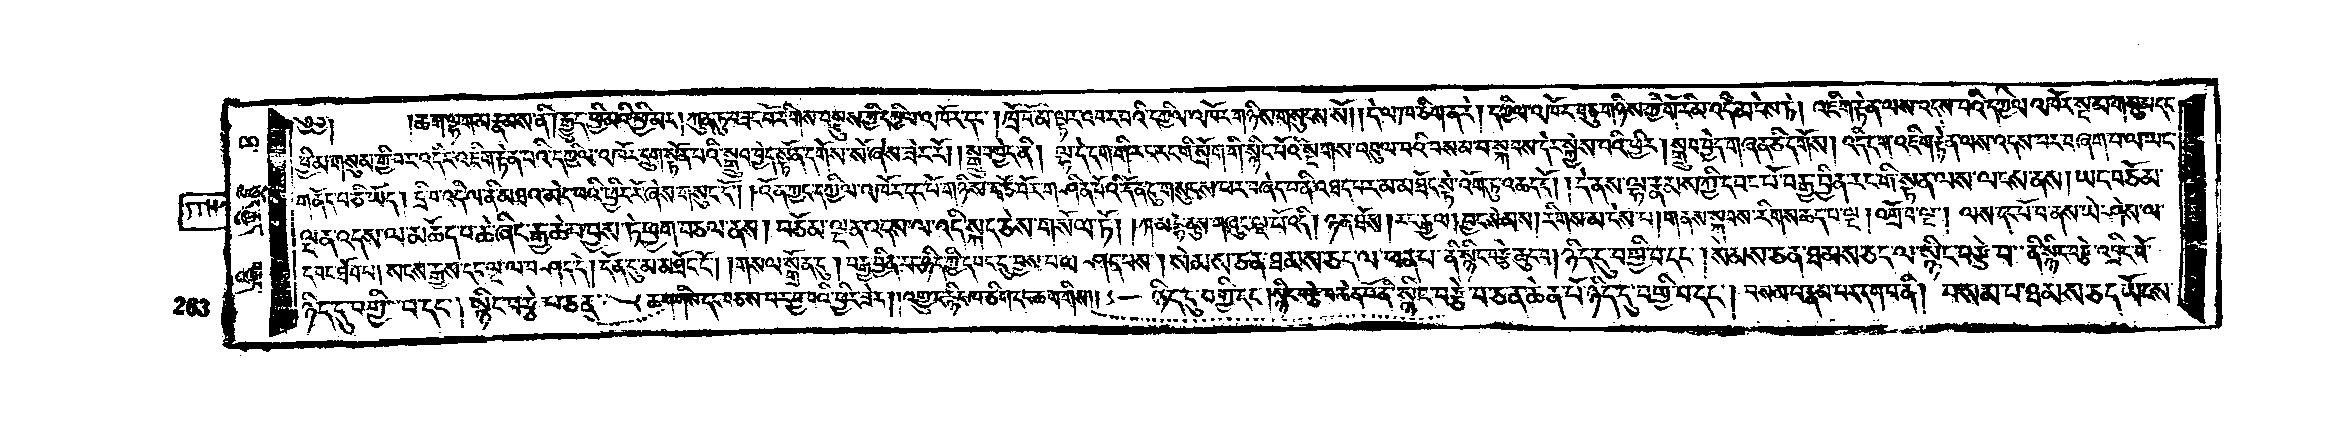༄༅། །ཆག་ལྷག་མ་རྣམས་ནི། རྒྱུད་ཕྱི་མའི་ཕྱི་མར། ཀུན་ཏུ་བཟང་པོ་རིགས་བསྡུས་ཀྱི་དཀྱིལ་འཁོར་དང་། ཁྲོ་བོ་མེ་ལྟར་འབར་བའི་དཀྱིལ་འཁོར་གཉིས་གསུངས་སོ། །དེ་ལ་ཁ་ཅིག་ན་རེ། དཀྱིལ་འཁོར་བཅུ་གཉིས་ཀྱི་གོ་རིམ་འདི་མ་ངེས་ཏེ། འཇིག་རྟེན་ལས་འདས་པའི་དཀྱིལ་འཁོར་སྔ་མ་གསུམ་དང་
ཕྱི་མ་གསུམ་གྱི་བར་འདིར་འཇིག་རྟེན་པའི་དཀྱིལ་འཁོར་དྲུག་སྟོན་པའི་སྒྲུབ་བྱེད་སྟོན་དགོས་སོ་ཞེས་ཟེར་རོ། །སྒྲུབ་བྱེད་ནི། ལྷ་དེ་དག་གི་རང་རང་གི་སྲོག་གི་སྙིང་པོའི་སྔགས་འབུལ་བའི་བསམ་པ་སྐབས་དེར་སྐྱེས་པའི་ཕྱིར། སྒྲུབ་བྱེད་གཞན་ཅི་དགོས། འདི་དག་འཇིག་རྟེན་ལས་འདས་པར་བཞག་པ་ལ་ཡང་
གནོད་པ་ཅི་ཡོད། དྲི་བ་འདི་ལ་ནི་མཐའ་མེད་པའི་ཕྱིར་རོ་ཞེས་གསུང་ངོ། །འོན་ཀྱང་དཀྱིལ་འཁོར་དང་པོ་གཉིས་གཙོ་བོར་གཤིན་པོའི་དོན་དུ་གསུངས་པར་བཞེད་པ་ནི་འཐད་པར་མ་མཐོང་སྟེ་འོག་ཏུ་འཆད་དོ། །དེ་ནས་ལྷ་རྣམས་ཀྱི་དབང་པོ་བརྒྱ་བྱིན་རང་གི་སྟན་ལས་ལངས་ནས། ཡང་བཅོམ་
ལྡན་འདས་ལ་མཆོད་པ་ཆེ་ཞིང་རྒྱ་ཆེ་བ་བྱས་ཏེ་ཕྱག་བཙལ་ནས། བཅོམ་ལྡན་འདས་ལ་འདི་སྐད་ཅེས་གསོལ་ཏོ། །ཀ་མ་དྷེ་ནུས་གཞུང་ལྔ་པོ་འདི། ཉན་ཐོས། རང་རྒྱལ། བྱང་སེམས། རིགས་མ་ངེས་པ། གནས་སྐབས་རིགས་ཆད་པ་ལྔ། འགྲོ་བ་ལྔ། ལས་དང་པོ་བ་ནས་ཡེ་ཤེས་ལ་
དབང་ཐོབ་པ། སངས་རྒྱས་དང་ལྔ་ལ་བཤད་དེ། དོན་དུ་མ་མཐོང་ངོ། །གསལ་སྒྲོན་དུ། བརྒྱ་བྱིན་རང་ཉིད་ཀྱི་དབང་དུ་བྱས་པ་ལ་བཤད་པས། སེམས་ཅན་ཐམས་ཅད་ལ་ཕན་པ་ནི་སྙིང་བརྩེ་ཆུང་བ་ཉིད་དུ་བགྱི་བ་དང་། སེམས་ཅན་ཐམས་ཅད་ལ་སྙིང་བརྩེ་བ་ནི་སྙིང་བརྩེ་འབྲིང་བོ
ཉིད་དུ་བགྱི་བ་དང་། སྙིང་བརྩེ་པ་ཅན་ཆག་གིས་དང་བཅས་པར་བྱ་བའི་ཕྱིར་ཟེར། །འགྱུར་རྙིང་ཁ་ཅིག་དང་ཆག་གིས། །ཉིད་དུ་བགྱི་དང་། སྙིང་བརྩེ་བ་ཆེན་པོ་ནི་སྙིང་བརྩེ་བ་ཅན་ཆེན་པོ་ཉིད་དུ་བགྱི་བ་དང་། བསམ་པ་རྣམ་པར་དག་པ་ནི།  བསམ་པ་ཐམས་ཅད་ཡོངས་